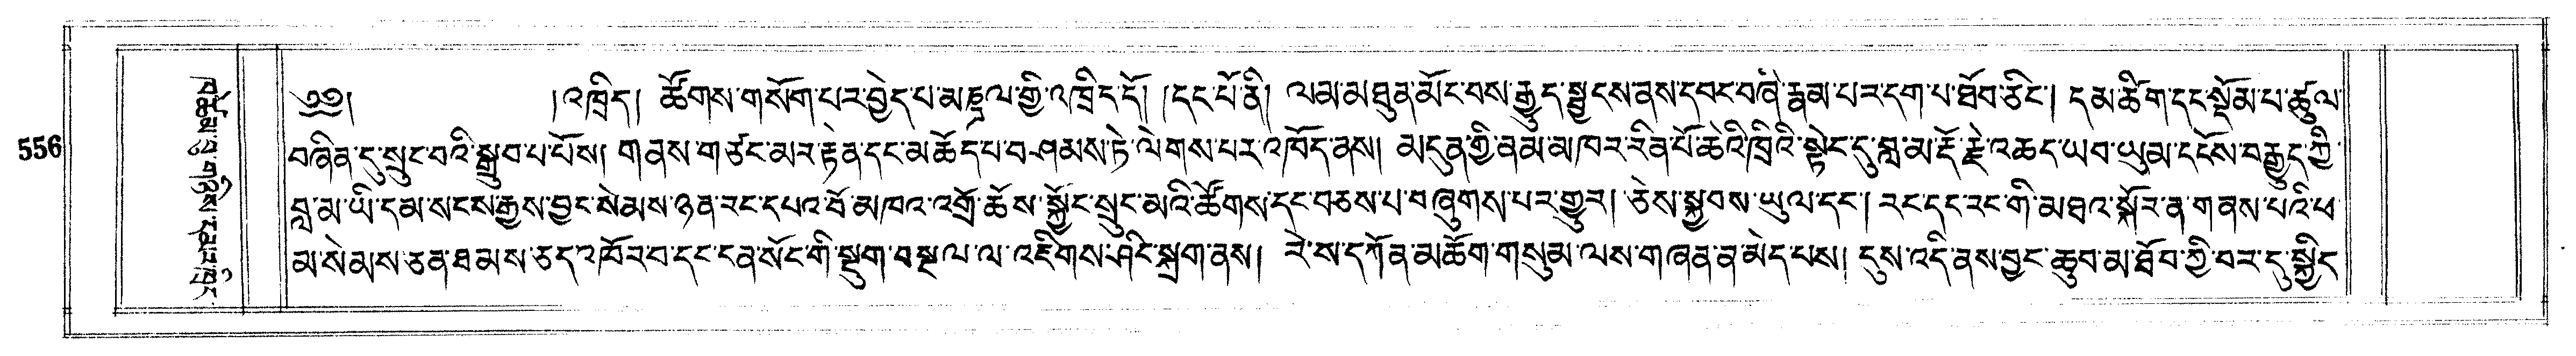༄༅། །འཁྲིད། ཚོགས་གསོག་པར་བྱེད་པ་མཎྜལ་གྱི་འཁྲིད་དོ། །དང་པོ་ནི། ལམ་མཐུན་མོང་བས་རྒྱུད་སྦྱངས་ནས་དབང་བཞི་རྣམ་པར་དག་པ་ཐོབ་ཅིང་། དམ་ཚིག་དང་སྡོམ་པ་ཚུལ་
བཞིན་དུ་སྲུང་བའི་སྒྲུབ་པ་པོས། གནས་གཙང་མར་རྟེན་དང་མཆོད་པ་བཤམས་ཏེ་ལེགས་པར་འཁོད་ནས། མདུན་གྱི་ནམ་མཁར་རིན་པོ་ཆེའི་ཁྲིའི་སྟེང་དུ་བླ་མ་རྡོ་རྗེ་འཆང་ཡབ་ཡུམ་དངོས་བརྒྱུད་ཀྱི་
བླ་མ་ཡི་དམ་སངས་རྒྱས་བྱང་སེམས་ཉན་རང་དཔའ་བོ་མཁའ་འགྲོ་ཆོས་སྐྱོང་སྲུང་མའི་ཚོགས་དང་བཅས་པ་བཞུགས་པར་གྱུར། ཅེས་སྐྱབས་ཡུལ་དང་། རང་དང་རང་གི་མཐའ་སྐོར་ན་གནས་པའི་ཕ་
མ་སེམས་ཅན་ཐམས་ཅད་འཁོར་བ་དང་ངན་སོང་གི་སྡུག་བསྔལ་ལ་འཇིགས་ཤིང་སྐྲག་ནས། རེ་ས་དཀོན་མཆོག་གསུམ་ལས་གཞན་ན་མེད་པས། དུས་འདི་ནས་བྱང་ཆུབ་མ་ཐོབ་ཀྱི་བར་དུ་སྐྱིད་